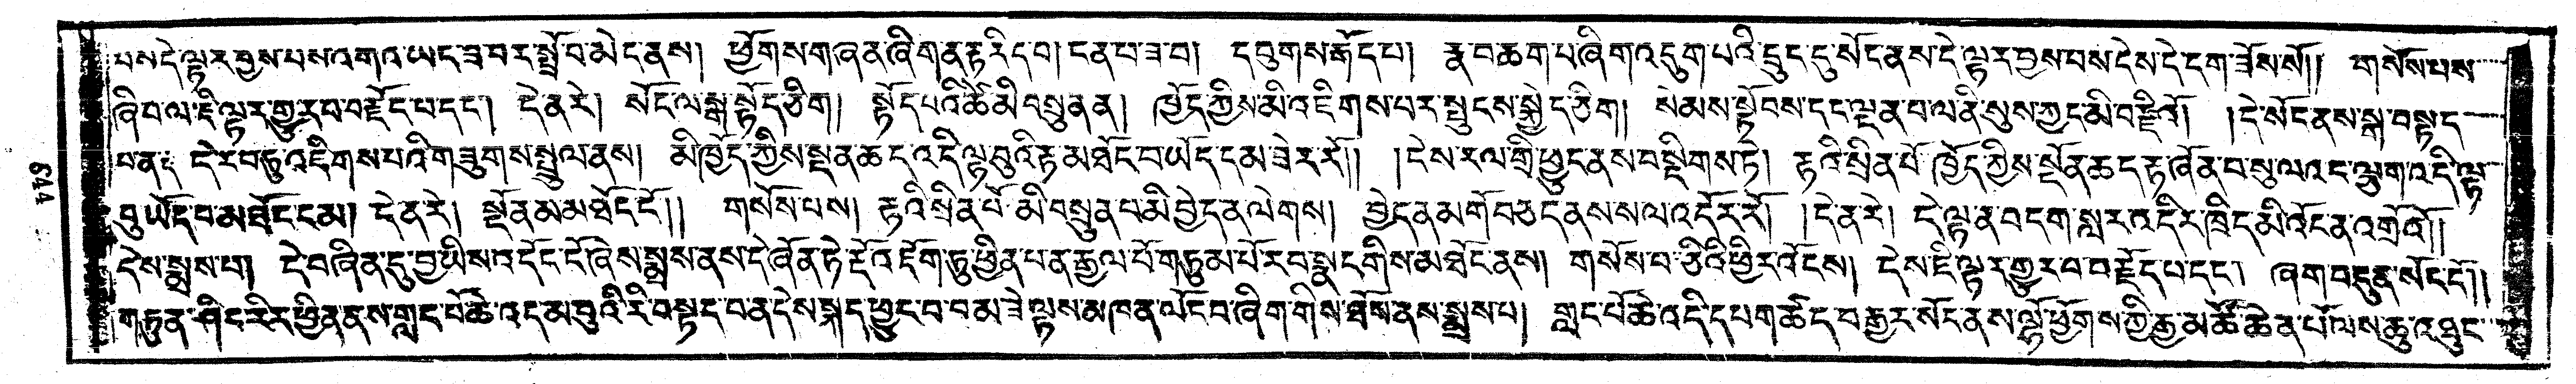པས་དེ་ལྟར་བྱས་པས་འགའ་ཡང་ཟ་བར་སྤྲོ་བ་མེད་ནས། ཕྱོགས་གཞན་ཞིག་ན་རྟ་རིད་བ། ངན་པ་ཟ་བ། དབུགས་རྒོད་པ། རྣ་བ་ཆག་པ་ཞིག་འདུག་པའི་དྲུང་དུ་སོང་ནས་དེ་ལྟར་བྱས་བས་དེས་དེ་དག་ཟོས་སོ།། གསོས་པས་
ཞི་བ་ལ་ཇི་ལྟར་གྱུར་པ་བརྗོད་པ་དང་། དེ་ན་རེ། སོང་ལ་སྒ་སྟོད་ཅིག། སྟོད་པའི་ཚེ་མི་བསྲུན་ན། ཁྱོད་ཀྱིས་མི་འཇིགས་པར་སྤུངས་སྐྱེད་ཅིག། སེམས་སྟོབས་དང་ལྡན་པ་ལ་ནི་སུས་ཀྱང་མི་བརྫིའོ། །དེ་སོང་ནས་སྒ་བསྟད་
པ་ན༑ དེ་རབ་ཏུ་འཇིགས་པའི་གཟུགས་སྤྲུལ་ནས། མི་ཁྱོད་ཀྱིས་སྡན་ཆད་འདི་ལྟ་བུའི་རྟ་མཐོང་བ་ཡོད་དམ་ཟེར་རོ།། །ངེས་རལ་གྲི་ཕྱུང་ནས་བསྡིགས་ཏེ། རྟའི་སྲིན་པོ་ཁྱོད་ཀྱིས་སྔོན་ཆད་རྟ་ཞོན་བ་སུ་ལའང་ལྕག་འདི་ལྟ་
བུ་ཡོད་བ་མཐོང་ངམ། དེ་ན་རེ། སྔོན་མ་མཐོང་ངོ།། གསོས་པས། རྟའི་སྲིན་པོ་མི་བསྲུན་པ་མི་བྱེད་ན་ལེགས། བྱེད་ན་མགོ་བཅད་ནས་ས་ལ་འདོར་རོ། །དེ་ན་རེ། དེ་ལྟ་ན་བདག་སླར་འདིར་ཁྲིད་མི་འོང་ན་འགྲོའོ། །
དེས་སྨྲས་པ། དེ་བཞིན་དུ་བྱ་ཡིས་འདོང་ངོ་ཞེས་སྨྲས་ནས་དེ་ཞོན་ཏེ་རྡོ་འཇོག་ཏུ་ཕྱིན་པ་རྒྱལ་པོ་གཏུམ་པོ་རབ་སྣང་གིས་མཐོང་ནས། གསོས་བ་ཅིའི་ཕྱིར་འོངས། དེས་ཇི་ལྟར་གྱུར་བ་བརྗོད་པ་དང་། ཞག་བདུན་སོང་ངོ། །
གཏུན་ཤིང་རིར་ཕྱིན་ནས་གླང་པོ་ཆེ་འདམ་བུའི་རི་བསྟང་བ་ན་དེས་སྐད་ཕྱུང་བ་བམ་ཟེ་ལྟས་མཁན་ལོང་བ་ཞིག་གིས་ཐོས་ནས་སྨྲས་པ། གླང་པོ་ཆེ་འདི་དཔག་ཚད་བརྒྱར་སོང་ནས་ལྷོ་ཕྱོགས་ཀྱི་རྒྱ་མཚོ་ཆེན་པོ་ལས་ཆུ་འཐུང་